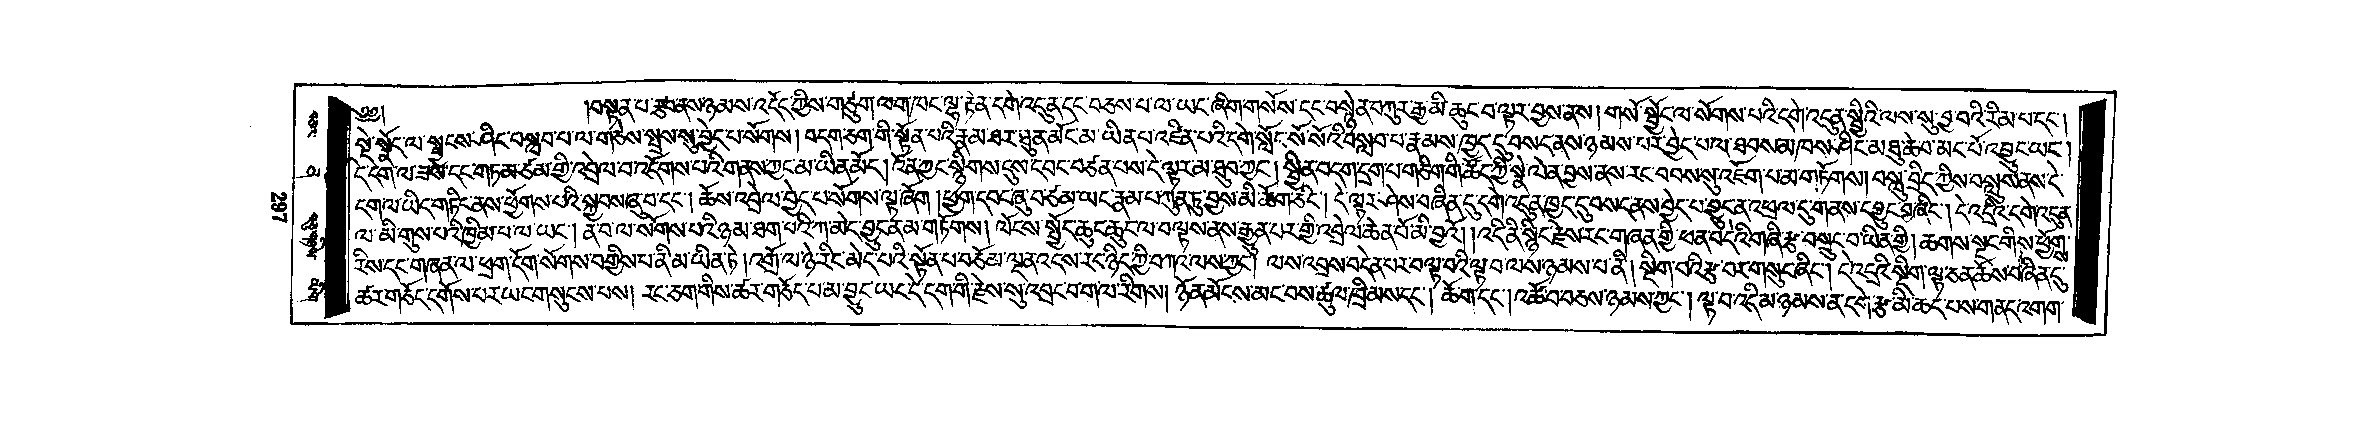༄༅། །བསྟན་པ་རྩ་བ་ནས་ཉམས་འདོད་ཀྱིས་གཙུག་ལག་ཁང་ལྷ་རྟེན་དགེ་འདུན་དང་བཅས་པ་ལ་ཡང་ཞིག་གསོས་དང་བསྙེན་བཀུར་རྒྱ་མི་ཆུང་བ་ལྟར་བྱས་ནས། གསོ་སྦྱོང་ལ་སོགས་པའི་དགེ་འདུན་སྤྱིའི་ལས་སུ་བྱ་བའི་རིམ་པ་དང་།
སྡེ་སྣོད་ལ་སྦྱངས་ཤིང་བསླབ་པ་ལ་གཅེས་སྤྲས་སུ་བྱེད་པ་སོགས། བདག་ཅག་གི་སྟོན་པའི་རྣམ་ཐར་ཐུན་མོང་མ་ཡིན་པ་འཛིན་པའི་དགེ་སློང་སོ་སོའི་བསླབ་པ་རྣམས་ཁྱད་དུ་བསད་ནས་ཉམས་པར་བྱེད་པ་ལ་ཐབས་མཁས་ཤིང་མཐུ་ཆེ་བ་མང་པོ་འབྱུང་ཡང་།
དེ་དག་ལ་ཟས་དང་གཏམ་ཙམ་གྱི་འབྲེལ་བ་འདོགས་པའི་གནས་ཀྱང་མ་ཡིན་མོད། འོན་ཀྱང་སྙིགས་དུས་དབང་བཙན་པས་དེ་ལྟར་མ་ཐུབ་ཀྱང་། སྦྱིན་བདག་དྲག་པ་གཅིག་གི་ཚོད་ཀྱི་སྣེ་ལེན་བྱས་ནས་རང་བབས་སུ་འཇོག་པ་མ་གཏོགས། བསླུ་བྲིད་ཀྱིས་བསླུས་ནས་དེ་
དག་ལ་ཡིད་གཏིང་ནས་ཕྱོགས་པའི་སྐྱབས་ཞུ་བ་དང་། ཆོས་འབྲེལ་བྱེད་པ་སོགས་ལྟ་ཞོག །ཕྱག་དབང་ཞུ་བ་ཙམ་ཡང་རྣམ་པ་ཀུན་ཏུ་བྱས་མི་ཆོག་ཅིང་། དེ་ལྟར་ཤེས་བཞིན་དུ་དགེ་འདུན་ཁྱད་དུ་བསད་ནས་བྱེད་པ་བྱུང་ན་འཕྲལ་དུ་གནས་དབྱུང་བྱ་ཞིང་། དེ་འདྲའི་དགེ་འདུན་
ལ་མི་གུས་པའི་ཁྱིམ་པ་ལ་ཡང་། ན་བ་ལ་སོགས་པའི་ཉམ་ཐག་པའི་ཀ་མེད་བྱུང་ན་མ་གཏོགས། ལོངས་སྤྱོད་ཆུང་ཆུང་ལ་བལྟས་ནས་རྒྱུན་པར་གྱི་འབྲེལ་ཆེན་པོ་མི་བྱའོ། །འདི་ནི་སྙིང་རྗེས་རང་གཞན་གྱི་ཕན་བདེའི་གཞི་རྩ་བསྲུང་བ་ཡིན་གྱི། ཆགས་སྡང་གིས་ཕྱོགས་
རིས་དང་གཞན་ལ་ཕྲག་དོག་སོགས་བགྱིས་པ་ནི་མ་ཡིན་ཏེ། འགྲོ་ལ་ཉེ་རིང་མེད་པའི་སྟོན་པ་བཅོམ་ལྡན་འདས་རང་ཉིད་ཀྱི་བཀའ་ལས་ཀྱང་། ལས་འབྲས་བདེན་པར་བལྟ་བའི་ལྟ་བ་ལས་ཉམས་པ་ནི། སྡིག་པའི་རྩ་བར་གསུང་ཞིང་། དེ་འདྲའི་སྡིག་ལྟ་ཅན་ཆོས་བཞིན་དུ་
ཚར་གཅོད་དགོས་པར་ཡང་གསུངས་པས། རང་ཅག་གིས་ཚར་གཅོད་པ་མ་བྱུང་ཡང་དེ་དག་གི་རྗེས་སུ་འབྲང་བ་ག་ལ་རིགས། ཉོན་མོངས་མང་བས་ཚུལ་ཁྲིམས་དང་། ཆོ་ག་དང་། འཚོ་བ་བཅས་ཉམས་ཀྱང་། ལྟ་བ་འདི་མ་ཉམས་ན་དགེ་རྩ་མི་ཆད་པས་གནད་འགག་